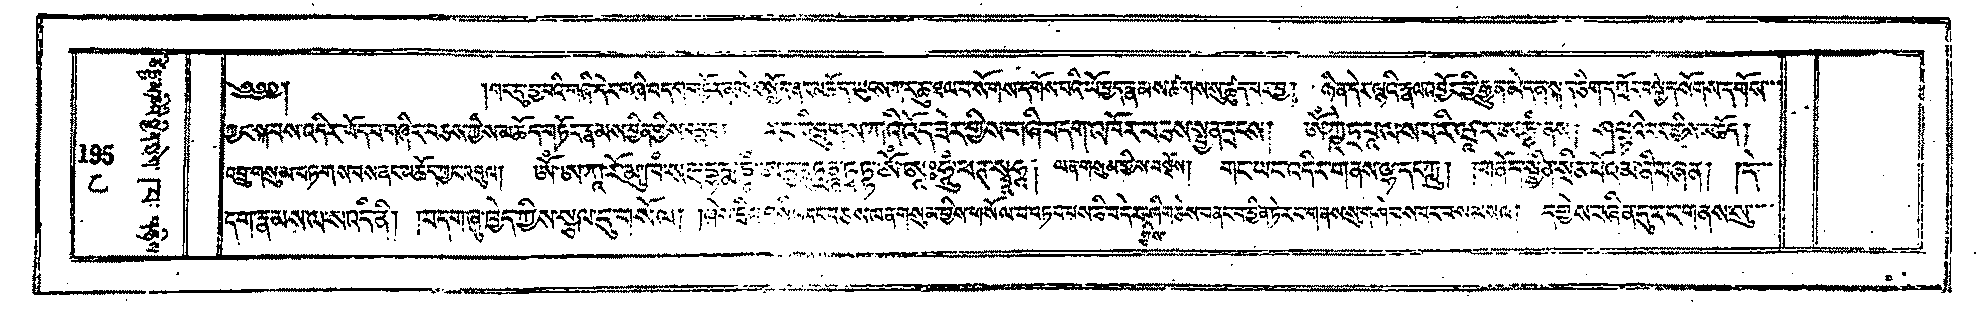༄༅། །གང་དུ་བྱ་བའི་གཞི་དེར་གཞི་བདག་གཏོར་མ་ཉེར་སྤྱོད་ནང་མཆོད་ཡུངས་ཀར་ཆུ་ཐལ་བ་སོགས་དགོས་པའི་ཡོ་བྱད་རྣམས་ཚགས་སུ་ཚུད་པར་བྱ། ཉིན་དེར་ལྷའི་རྣལ་འབྱོར་གྱི་རྒྱུན་མེད་ན་སྐད་ཅིག་དཀྲོང་བསྐྱེད་སོགས་དགོས་་་
ཀྱང་སྐབས་འདིར་ཡོད་པ་གཞིར་བཅས་ཀྱིས་མཆོད་གཏོར་རྣམས་བྱིན་གྱིས་བརླབ། རང་གི་ཐུགས་ཀའི་འོད་ཟེར་གྱིས་གཞི་བདག་འཁོར་བཅས་སྤྱན་དྲངས། ཨོཾ་ཀྵེ་ཏྲ་པཱ་ལ་ས་པ་རི་ཝཱ་ར་ཨརྒྷཾ་ནས།  ཤཔྟའི་བར་གྱིས་མཆོད།
འབྲུ་གསུམ་བཏགས་པས་ནང་མཆོད་ཀྱང་འབུལ། ཨོཾ་ཨ་ཀཱ་རོ་མུ་ཁཾ་སརྦ་དྷརྨ་ཎཱཾ་ཨ་དྱ་ནུཏྤནྣ་ཏྭཏྟ་ཨོཾ་ཨཱཿཧཱུཾ་ཕཊ་སྭཱཧཱ། ལན་གསུམ་གྱིས་བསྔོས།  གང་ཡང་འདིར་གནས་ལྷ་དང་ཀླུ། །གནོད་སྦྱིན་སྲིན་པོའམ་ནི་གཞན། །དེ་་་
དག་རྣམས་ལ་ས་འདི་ནི། །བདག་ཞུ་ཁྱེད་ཀྱིས་སྩལ་དུ་གསོལ། །ཞེས་དྲིལ་གསིལ་དང་བཅས་ལན་གསུམ་གྱིས་གསོལ་བ་བཏབ་པས་ཅི་བདེར་གྱིས་ཤིག་ཅེས་གནང་བ་བྱིན་ཏེ་རང་གནས་སུ་གཤེགས་པར་བསམས་ལ། དགྱེས་བཞིན་དུ་རང་གནས་སུ་་་